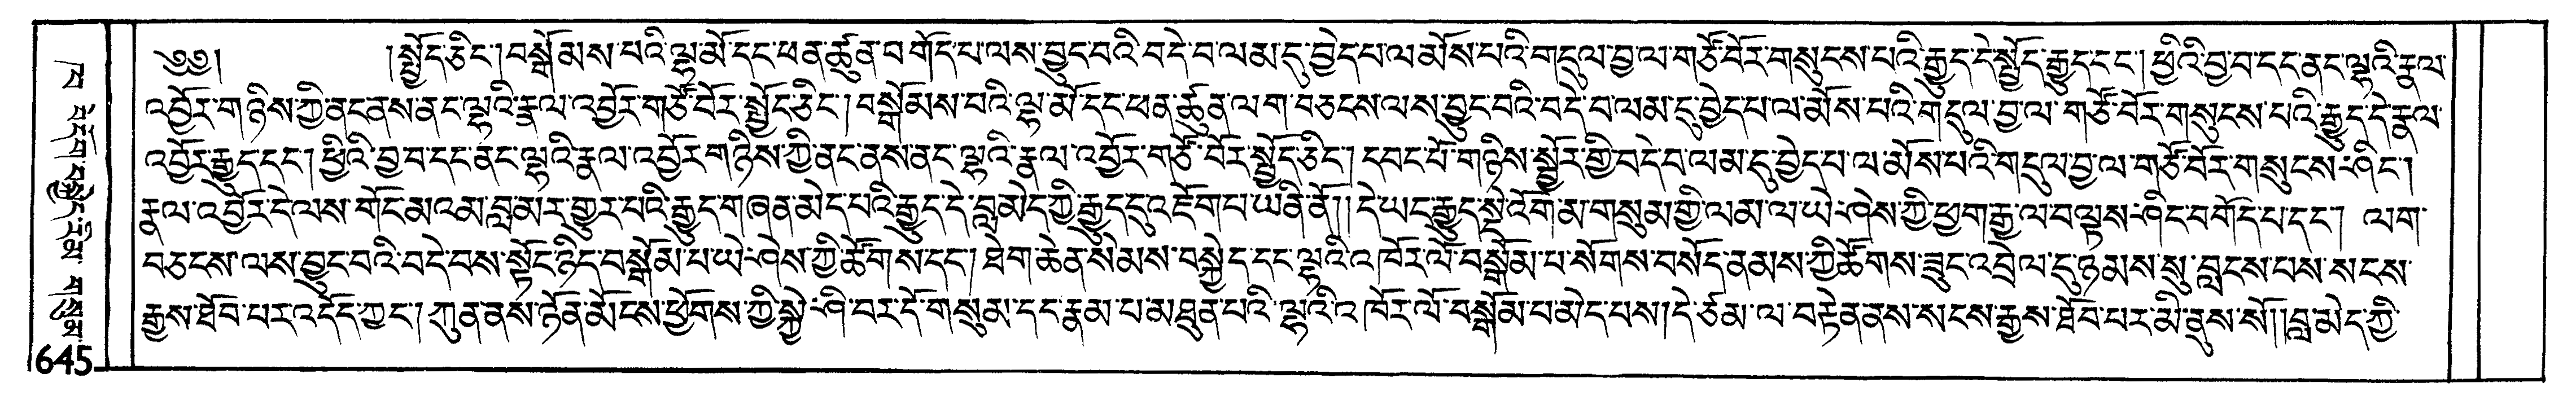༄༅། །སྤྱོད་ཅིང་། བསྒོམས་པའི་ལྷ་མོ་དང་ཕན་ཚུན་བགོད་པ་ལས་བྱུང་བའི་བདེ་བ་ལམ་དུ་བྱེད་པ་ལ་མོས་པའི་གདུལ་བྱ་ལ་གཙོ་བོར་གསུངས་པའི་རྒྱུད་དེ་སྤྱོད་རྒྱུད་དང་། ཕྱིའི་བྱ་བ་དང་ནང་ལྷའི་རྣལ་
འབྱོར་གཉིས་ཀྱི་ནང་ནས་ནང་ལྷའི་རྣལ་འབྱོར་གཙོ་བོར་སྤྱོད་ཅིང་། བསྒོམས་པའི་ལྷ་མོ་དང་ཕན་ཚུན་ལག་བཅངས་ལས་བྱུང་བའི་བདེ་བ་ལམ་དུ་བྱེད་པ་ལ་མོས་པའི་གདུལ་བྱ་ལ་གཙོ་བོར་གསུངས་པའི་རྒྱུད་དེ་རྣལ་
འབྱོར་རྒྱུད་དང་། ཕྱིའི་བྱ་བ་དང་ནང་ལྷའི་རྣལ་འབྱོར་གཉིས་ཀྱི་ནང་ནས་ནང་ལྷའི་རྣལ་འབྱོར་གཙོ་བོར་སྤྱོད་ཅིང་། དབང་པོ་གཉིས་སྦྱོར་གྱི་བདེ་བ་ལམ་དུ་བྱེད་པ་ལ་མོས་པའི་གདུལ་བྱ་ལ་གཙོ་བོར་གསུངས་ཤིང་།
རྣལ་འབྱོར་དེ་ལས་གོང་མའམ་བླ་མར་གྱུར་པའི་རྒྱུད་གཞན་མེད་པའི་རྒྱུད་དེ་བླ་མེད་ཀྱི་རྒྱུད་དུ་འཇོག་པ་ཡིན་ནོ། །དེ་ཡང་རྒྱུད་སྡེ་འོག་མ་གསུམ་གྱི་ལམ་ལ་ཡེ་ཤེས་ཀྱི་ཕྱག་རྒྱ་ལ་བལྟས་ཤིང་བགོད་པ་དང་། ལག་
བཅངས་ལས་བྱུང་བའི་བདེ་བས་སྟོང་ཉིད་བསྒོམ་པ་ཡེ་ཤེས་ཀྱི་ཚོགས་དང་། ཐེག་ཆེན་སེམས་བསྐྱེད་དང་ལྷའི་འཁོར་ལོ་བསྒོམ་པ་སོགས་བསོད་ནམས་ཀྱི་ཚོགས་ཟུང་འབྲེལ་དུ་ཉམས་སུ་བླངས་པས་སངས་
རྒྱས་ཐོབ་པར་འདོད་ཀྱང་། ཀུན་ནས་ཉོན་མོངས་ཕྱོགས་ཀྱི་སྐྱེ་ཤི་བར་དོ་གསུམ་དང་རྣམ་པ་མཐུན་པའི་ལྷའི་འཁོར་ལོ་བསྒོམ་པ་མེད་པས། དེ་ཙམ་ལ་བརྟེན་ནས་སངས་རྒྱས་ཐོབ་པར་མི་ནུས་སོ། །བླ་མེད་ཀྱི་